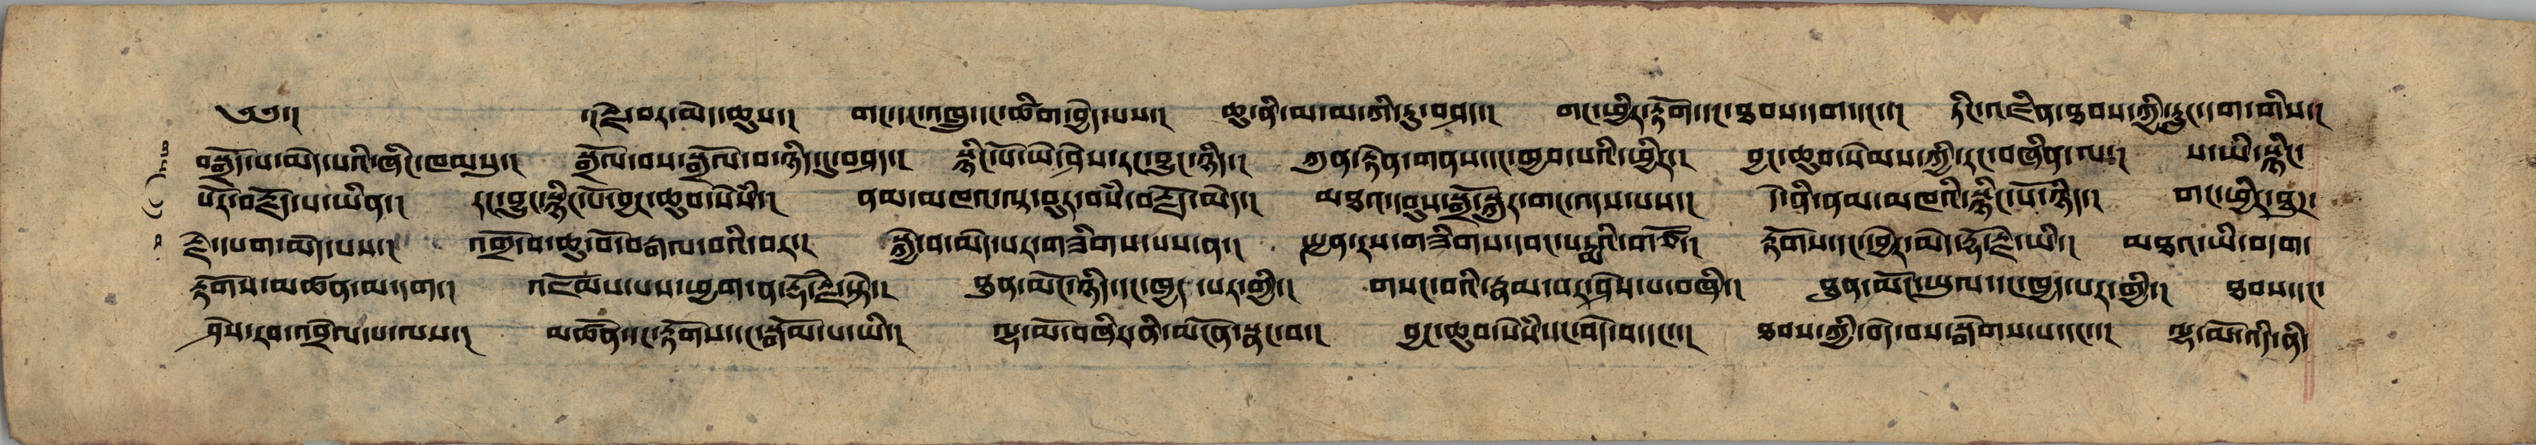༄༅་། ་།རྗེ་བར་མེད་ཆུས་། གང་དང་འཁྲུ་དང་ཚིག་བྱེད་པས་། ཆུ་ནི་མ་མ་ཀི་རུ་བཤད་། གང་ཕྱིར་རྟོག་དང་ཐབས་དག་དང་་། ཏིང་འཛིན་ཐབས་ཀྱི་རླུང་དག་གིས་།
བསྒྲོད་པ་མེད་པའི་ཞིང་ཁམསུ་། སྒྲོལ་བས་སྒྲོལ་བ་ཉིད་དུ་བཤད་། སྙིང་པོ་ཡེ་ཤེས་རང་བྱུང་ཉིད་། ཀུན་རྟེན་གནས་དང་ཁྱབ་པའི་ཕྱིར་། བྱང་ཆུབ་སེམས་ཀྱི་རང་བཞིན་ལ་། ས་ཡི་སྙིང་
སོར་བརྗོད་པ་ཡིན་། རང་བྱུང་སྙིང་པོ་བྱང་ཆུབ་སེཾས་། ནམ་མཁའ་ལྟ་བུར་བསཾ་བརྗོད་མེད་། མཐའ་དབུས་སྒྲོ་སྐུར་གང་འདས་པས་། དེ་ནི་ནམ་མཁའི་སྙིང་པོ་ཉིད་། གང་ཕྱིར་ཐུཌ་
རྗེ་དཔག་མེད་པས་། འགྲོ་བ་ཆུ་བོ་བརྒལ་བའི་བར་། སྐྱེ་བ་མེད་པར་གཟིགས་པས་ན་། སྤྱན་རས་གཟིགས་དབང་པདྨའི་གཙོ་། རྟོགས་དང་དབྱེར་མེད་རྡོ་རྗེ་ཡི་། མཐའ་ཡི་བདག་
རྟོགས་མཚན་མ་དག་། འཇོམས་པས་ཕྱག་ན་རྡོ་རྗེ་སྟེ་། ཐུན་མོང་ཉིད་དང་ཁྱད་པར་གྱི་། གསང་བའི་རྣམ་པར་ཤེས་པ་བཞི་། ཐུན་མོང་ཡུལ་དང་ཁྱད་པར་གྱི་། ཐབས་དང་
ཤེས་རབ་འབྲེལ་པ་ལས་། མཚོན་དང་རྟོགས་དང་སྒོམ་པ་ཡི་། ལྷ་མོ་བཞིར་ནི་མངོན་སྣང་བ་། བྱང་ཆུབ་སེཾས་དང་བདེ་བ་དང་་། ཐབས་ཀྱི་བདེ་བས་སྒེགས་པ་དང་་། ལྷ་མོ་འདི་ནི་